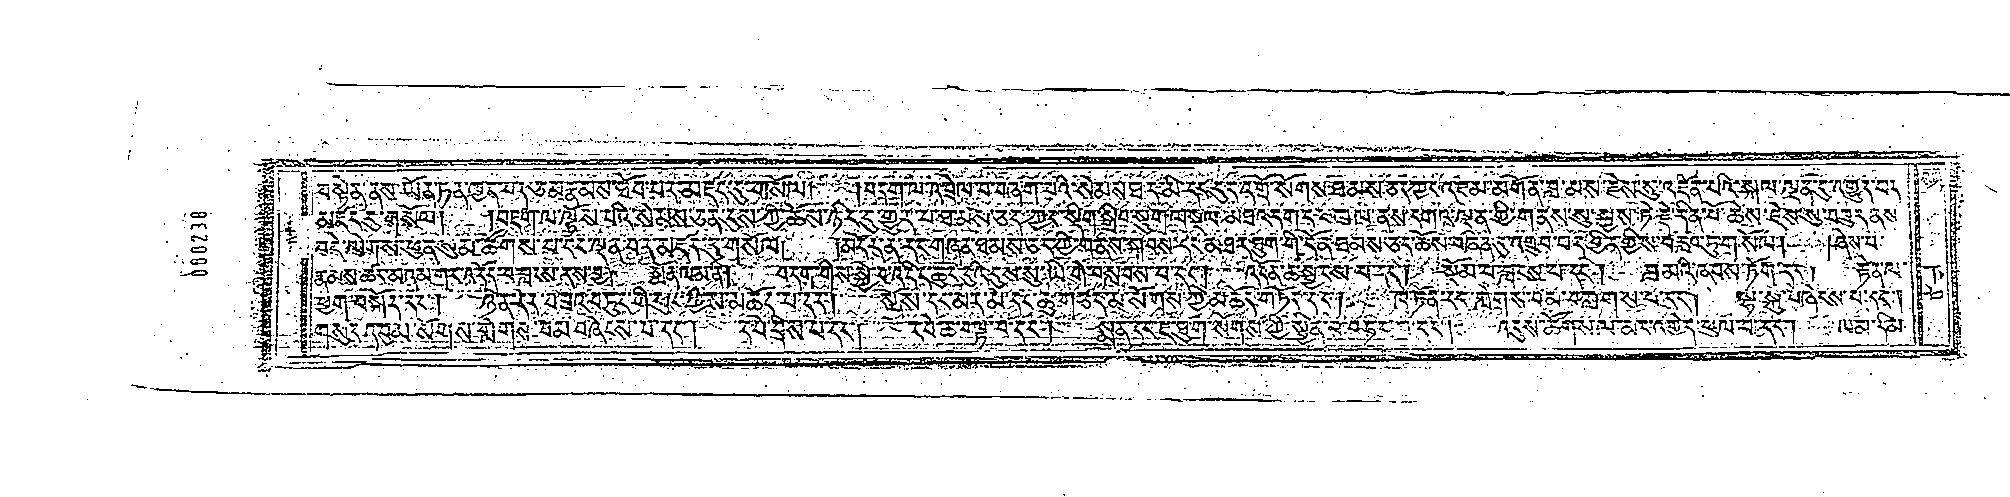བསྟེན་ནས་ཡོན་ཏན་ཁྱད་པར་ཅན་རྣམས་ཐོབ་པར་མཛད་དུ་གསོལ། །བདག་ལ་འབྲེལ་བ་བཞག་པའི་སེམས་ཅན་མི་དང་དུད་འགྲོ་སོགས་ཐམས་ཅད་ཀྱང་འཇམ་མགོན་བླ་མས་རྗེས་སུ་འཛིན་པའི་སྐལ་ལྡན་དུ་འགྱུར་བར་
མཛད་དུ་གསོལ། །བདག་ལ་ལྟོས་པའི་སེམས་ཅན་དུས་ཀྱི་ཆོས་ཉིད་དུ་གྱུར་པ་ཐམས་ཅད་ཀྱང་སྡིག་སྒྲིབ་སྡུག་བསྔལ་མཐའ་དག་དང་བྲལ་ནས་དགའ་ལྡན་གྱི་གནས་སུ་སྐྱེས་ཏེ་རྗེ་རིན་པོ་ཆེས་རྗེས་སུ་བཟུང་ནས་
བདེ་ལེགས་ཕུན་སུམ་ཚོགས་པ་དང་ལྡན་བར་མཛད་དུ་གསོལ། །མདོར་ན་རང་གཞན་ཐམས་ཅད་ཀྱི་གནས་སྐབས་དང་མཐར་ཐུག་གི་དོན་ཐམས་ཅད་ཆོས་བཞིན་དུ་འགྲུབ་པར་བྱིན་གྱིས་བརླབ་ཏུ་གསོལ། །ཞེས་པ་
རྣམས་ཚང་བའམ་གང་འདོད་བ་བླངས་ནས་བྱ། སྨོན་ལམ་ནི། བདག་གིས་སྐྱེ་བ་འདིར་ཆུང་ངུའི་དུས་སུ་ཡི་གེ་བསླབས་པ་དང་། འདོད་ཆ་སྦྱངས་པ་དང་། སྡོམ་པ་བླངས་པ་དང་། བླ་མའི་ཞབས་ཏོག་དང་། རྟེན་ལ་
ཕྱག་བསྐོར་དང་། ཉིན་རེར་བཟའ་བཏུང་གི་ཕུང་ཀྱིས་མཆོད་པ་དང་། སྤོས་དང་མར་མི་དང་ཆུ་གཙང་མ་སོགས་ཀྱི་མཆོད་གཏོར་དང་། ཁ་ཏོན་དང་གླེགས་བམ་བཀློགས་པ་དང་། ལྷ་སྐུ་བཞེངས་པ་དང་།
གསུང་འབུམ་སོགས་གླེགས་བམ་བཞེངས་པ་དང་། དཔེ་བྲིས་པ་དང་། དཔེ་ཆ་བལྟ་པ་དང་། སྨན་དང་ཇ་ཐུག་སོགས་ཀྱི་སྦྱིན་པ་བཏང་བ་དང་། འདུས་ཚོགས་ལ་མང་འགྱེད་ཕུལ་བ་དང་། ལམ་རིམ་